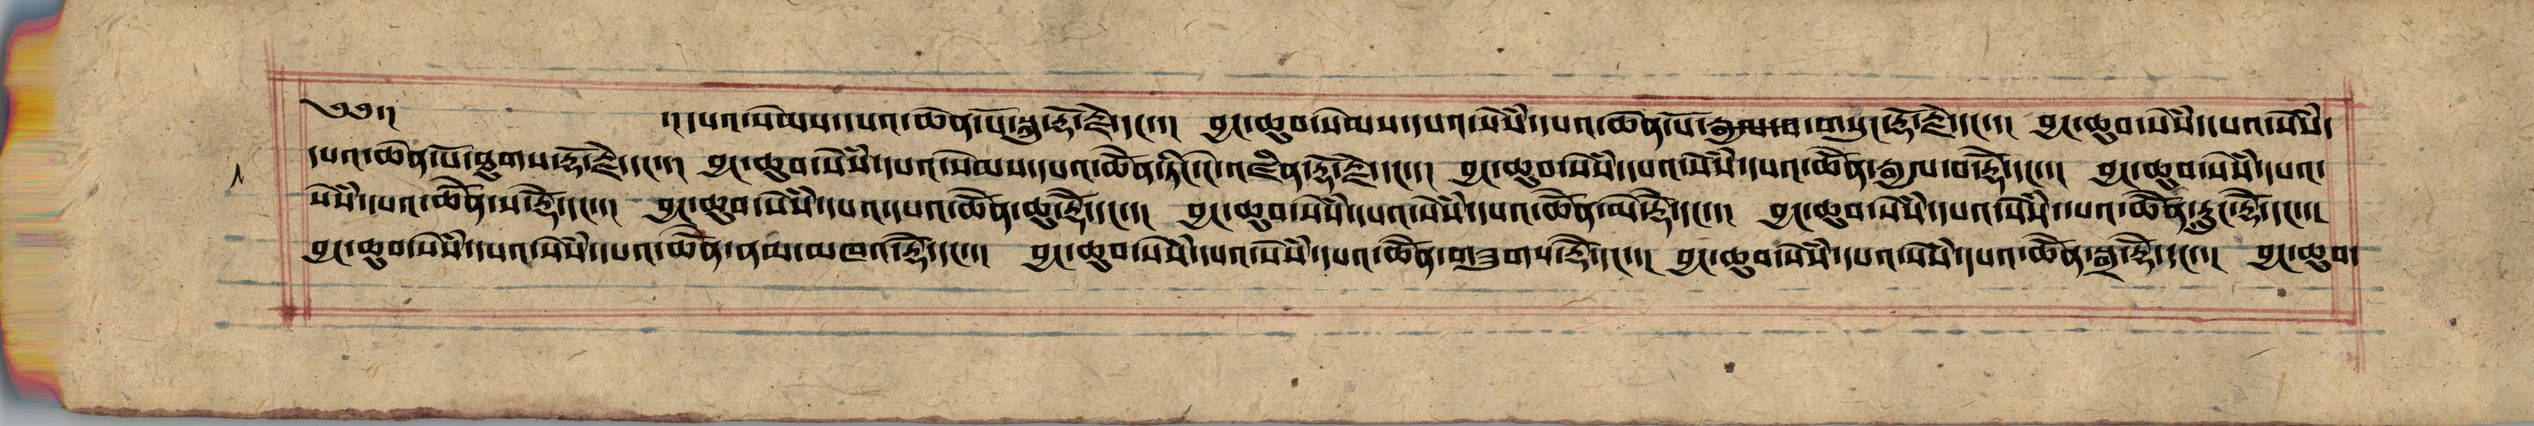༄༅་། ་།དཔའ་སེམས་དཔའ་ཆེན་པོ་སྐུ་རྡོ་རྗེ་དང་་། བྱང་ཆུབ་སེམས་དཔའ་སེཾས་དཔའ་ཆེན་པོ་རྒྱལ་བ་གསུང་རྡོ་རྗེ་དང་་། བྱང་ཆུབ་སེཾས་དཔའ་སེཾས་
དཔའ་ཆེན་པོ་ཐུགས་རྡོ་རྗེ་དང་་། བྱང་ཆུབ་སེཾས་དཔའ་སེམས་དཔའ་ཆེནོ་ཏིང་ངེ་འཛིན་རྡོ་རྗེ་དང་་། བྱང་ཆུབ་སེཾས་དཔའ་སེཾས་དཔའ་ཆེནོ་རྒྱལ་བ་རྡོེ་དང་། བྱང་ཆུབ་སེཾས་དཔའ་
སེཾས་དཔའ་ཆེནོ་ས་རྡོེ་དང་་། བྱང་ཆུབ་སེཾས་དཔའ་དཔའ་ཆེནོ་ཆུ་རྡོེ་དང་་། བྱང་ཆུབ་སེཾས་དཔའ་སེཾས་དཔའ་ཆེནོ་མེ་རྡོ་རྗེ་དང་་། བྱང་ཆུབ་སེཾས་དཔའ་སེཾས་དཔའ་ཆེནོ་རླུང་རྡོེ་དང་་།
བྱང་ཆུབ་སེཾས་དཔའ་སེཾས་དཔའ་ཆེནོ་ནམ་མཁའ་རྡོེ་དང་་། བྱང་ཆུབ་སེཾས་དཔའ་སེཾས་དཔའ་ཆེནོ་གཟུགས་རྡོེ་དང་་། བྱང་ཆུབ་སེཾས་དཔའ་སེཾས་དཔའ་ཆེནོ་སྒྲ་རྡོེ་དང་་། བྱང་ཆུབ་